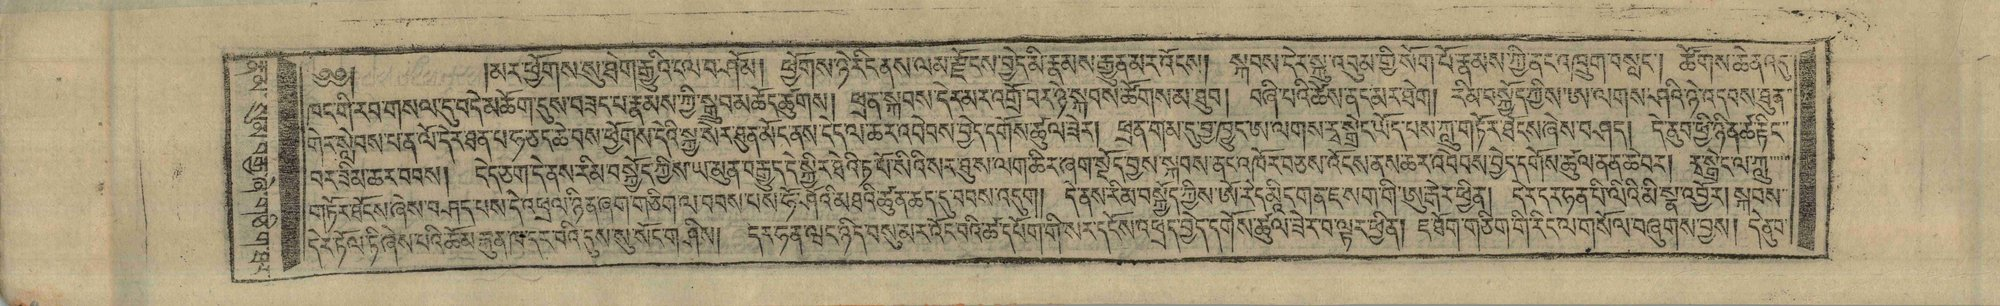༄༅། །མར་ཕྱོགས་སུ་ཐེག་རྒྱུའི་ངལ་བ་ཤོམ། ཕྱོགས་ཉེ་རིང་ནས་ལམ་རྫོངས་བྱེད་མི་རྣམས་རྒྱུན་མར་འོངས། སྐབས་དེར་སྐུ་འབུམ་གྱི་སོག་པོ་རྣམས་ཀྱི་ནང་འཁྲུག་བསླང་། ཚོགས་ཆེན་འདུ་
ཁང་གི་རབ་གསལ་དུ་བདེ་མཆོག་དུས་བཟང་བ་རྣམས་ཀྱི་སྒྲུབ་མཆོད་ཚུགས། ཕྲན་སྐབས་དེར་མར་འགྲོ་བར་ཉེ་སྐབས་ཚོགས་མ་ཐུབ། བཞི་པའི་ཚེས་ནང་མར་ཐེག །རིམ་བསྐྱོད་ཀྱིས་ཨ་ལགས་ཤའི་ཉེ་འདབས་ཐུན་
གེར་སླེབས་པ་ན་ལོ་དེར་ཐན་པ་ཧ་ཅང་ཆེ་བས་ཕྱོགས་དེའི་སྐྱ་སེར་ཐུན་མོང་ནས་དེད་ལ་ཆར་འབེབས་བྱེད་དགོས་ཚུལ་ཟེར། ཕྲན་གམ་དུ་བྱ་ཁྱུང་ཨ་ལགས་རྭ་སྒྲེང་ཡོད་པས་ཀླུ་གཏོར་ཐོངས་ཞེས་བཤད། དེ་ནུབ་ཕྱི་ཉིན་ཚ་རྟིང་
བར་ཟིམ་ཆར་བབས། ངེད་ཅག་དེ་ནས་རིམ་བསྐྱོད་ཀྱིས་ཡ་མུན་བརྒྱུད་དེ་སྐྱིར་ཐེའི་ཏ་པོ་སིའི་སར་ཐུ་ས་ལག་ཆིར་ཞག་སྡོད་བྱས་སྐབས་ནང་འཁོར་བཅས་འོངས་ནས་ཆར་འབེབས་བྱེད་དགོས་ཚུལ་ནན་ཆེ་བར། རྭ་སྒྲེང་ལ་ཀླུ་
གཏོར་ཐོངས་ཞེས་བཤད་པས་དེ་འཕྲལ་ཉིན་ཞག་གཅིག་ལ་བབས་པས་ཧོ་ཤོའི་མཐའི་ཚུན་ཆད་དུ་བབས་འདུག །དེ་ནས་རིམ་བསྐྱོད་ཀྱིས་ཨོ་རེད་མཱིང་གན་ཇ་སག་གི་ཨུ་རྒེར་ཕྱིན། དེར་དར་ཧན་པི་ལིའི་མི་སྣ་འབྱོར། སྐབས་
དེར་ཏོལ་ཏི་ཞེས་པའི་ཆོམ་རྐུན་ཁ་དར་བའི་དུས་སུ་སོང་གཤིས། དར་ཧན་ཝང་ཉིད་བསུ་མར་འོང་བའི་ཚ་དཔོག་གི་སར་དངོས་འཕྲད་བྱེད་དགོས་ཚུལ་ཟེར་བ་ལྟར་ཕྱིན། ཇ་ཐོག་གཅིག་གི་རིང་ལ་གསོལ་བཞུགས་བྱས། དེ་ནུབ་